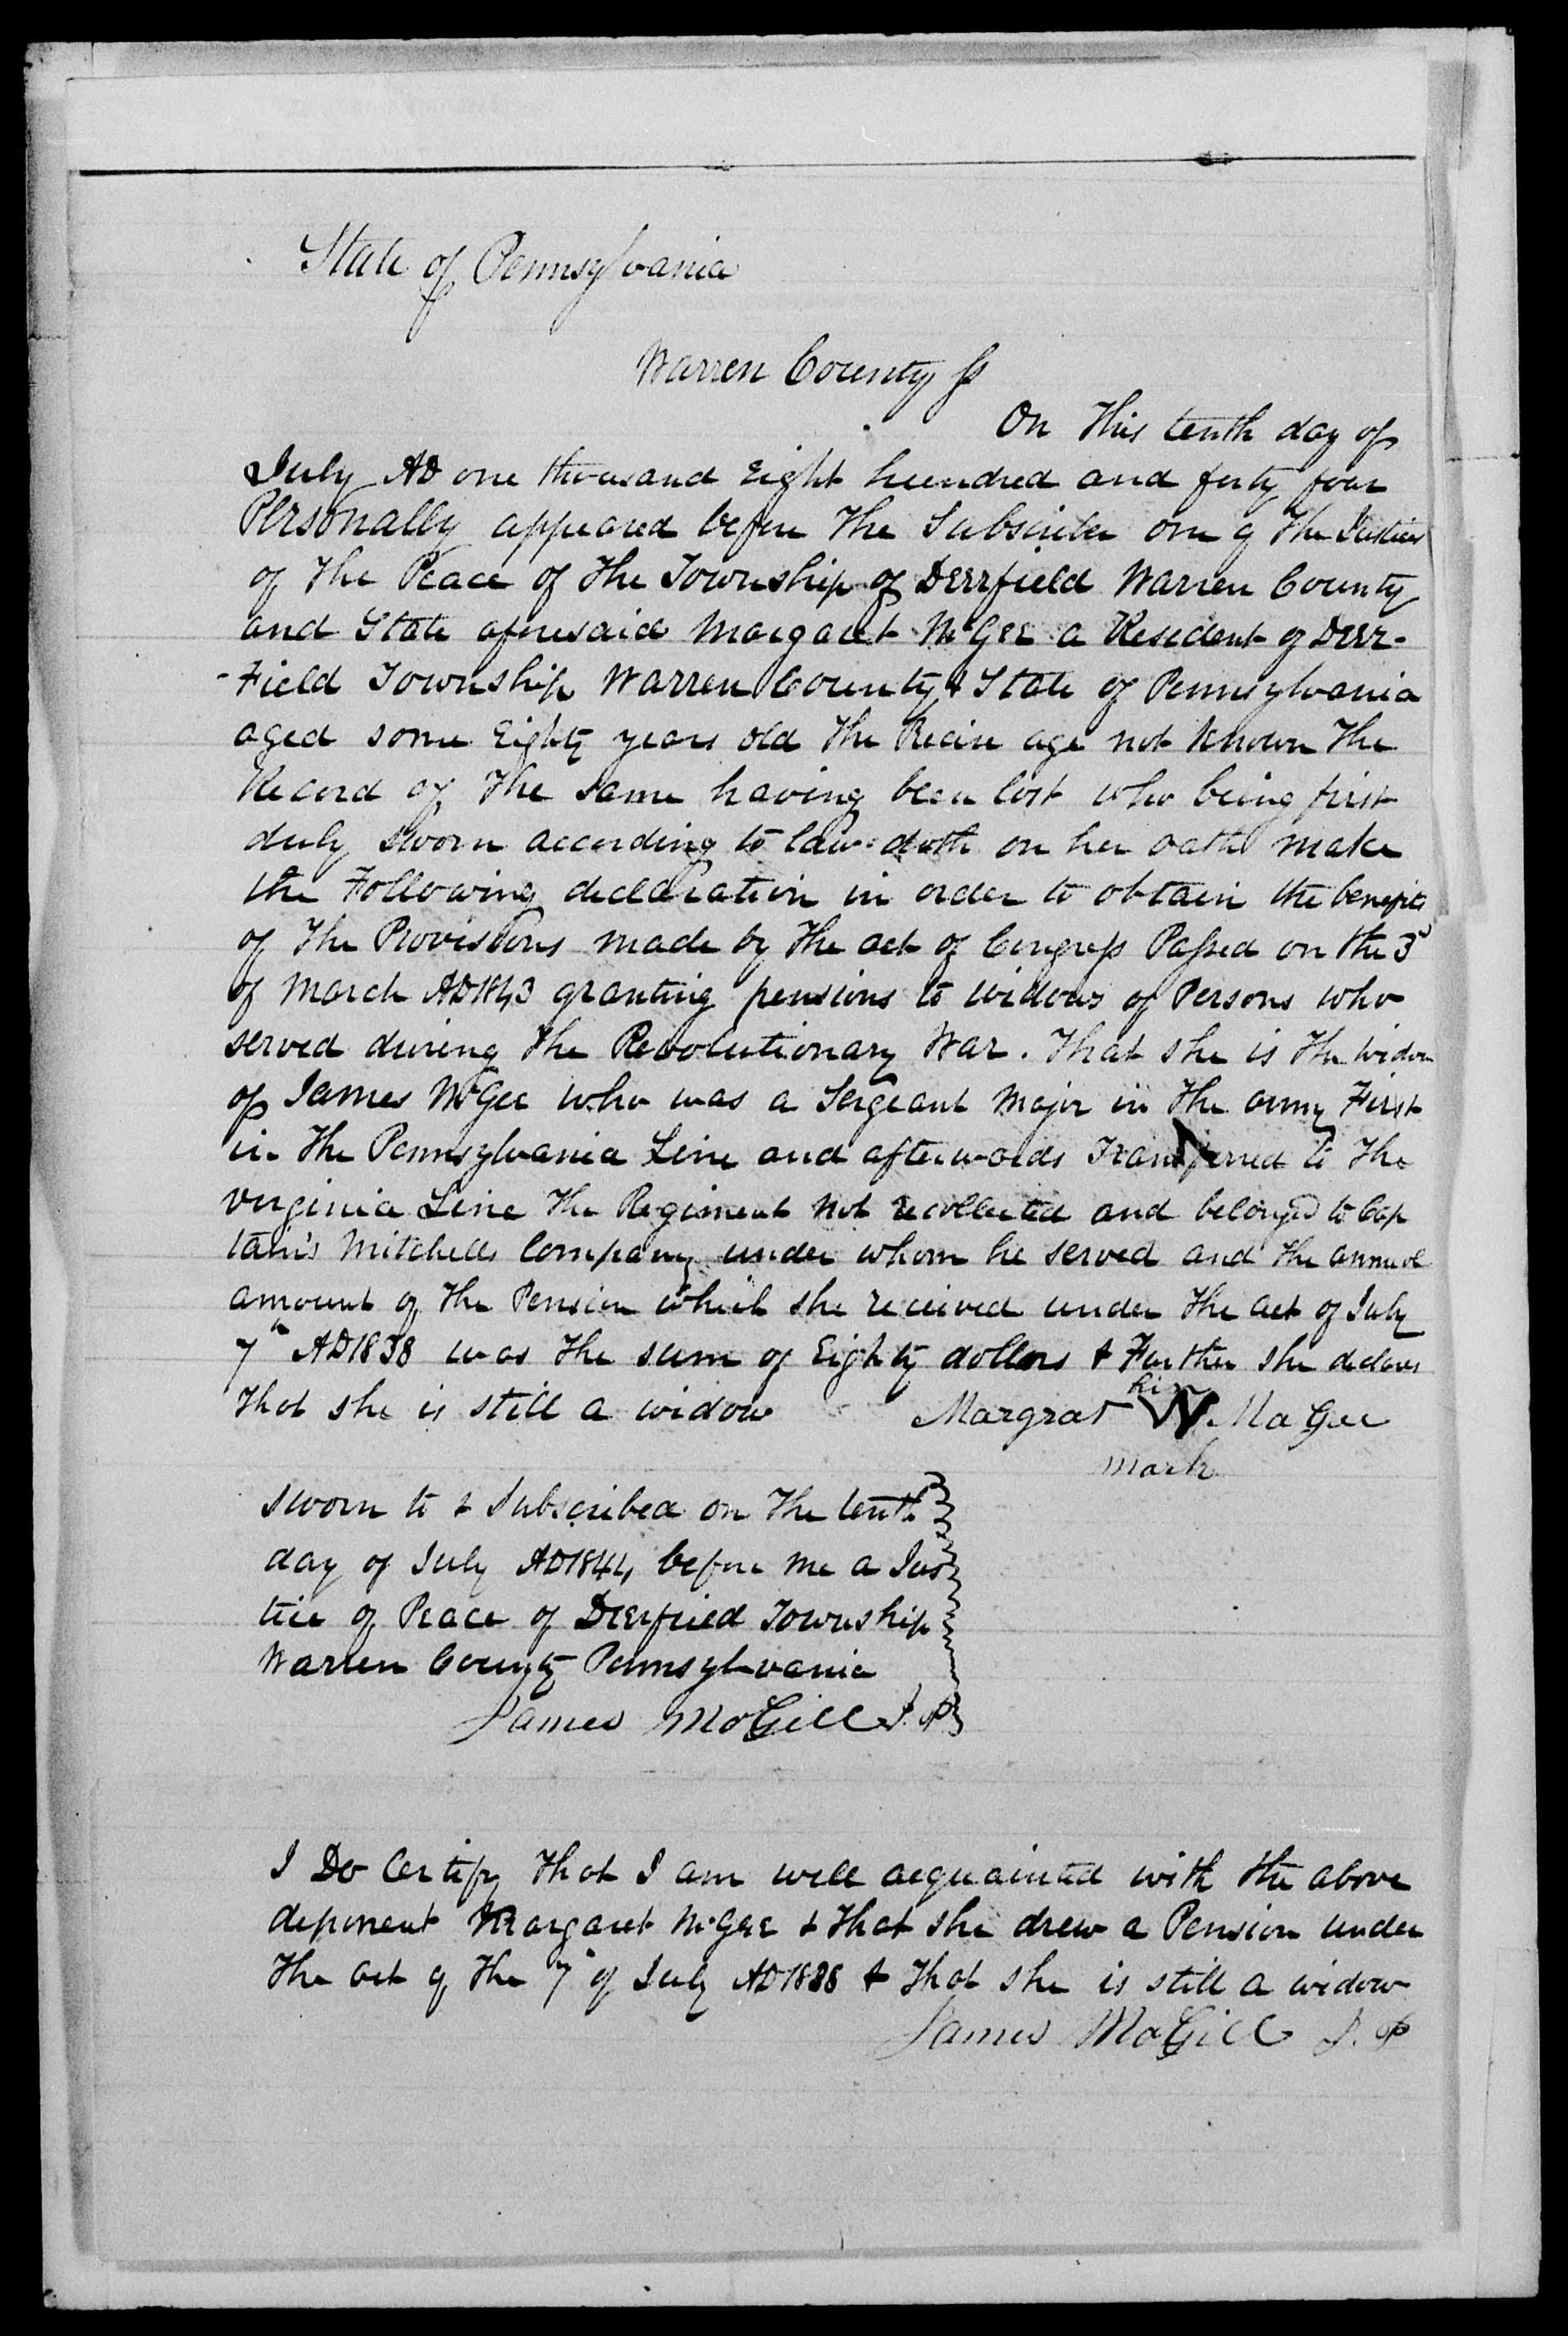State of Pennsylvania
Warren County ss

On this tenth day of
July AD one thousand Eight hundred and forty four Personally appeared before the Subscriber one of the Justice of the Peace of the Township of Deerfield Warren County and State aforesaid Margaret  McGee a resident of Deerfield Township Warren County & State of Pennsylvania aged some Eighty years old the precise age not known the Record of the same having been lost who being first duly sworn according to law doth on her oath make
the following declaration in order to obtain the benefit of the provisions made by the act of Congress passed on the 3rd of March AD 1843 granting pensions to widows of persons who
served during the Revolutionary War. That she is the widow of James McGee who was a Sergeant Major in the army First in the Pennsylvania Line and afterwards transferred to the Virginia Line the Regiment not recollected and belonged to Captain's Mitchells Company under whom he served and the annual
amount of the Pension which she received under the act of July 7th AD 1838 was the sum of Eighty dollars & further she declares
That she is still a widow

Margaret (her X mark) Magee

Sworn to & subscribed on the tenth
day of July AD 1844 before me as
tice of Peace of Deerfield Township
Warren County Pennsylvania

James McGill   JP


I do certify that I am well acquainted with the above deponent Margaret McGee & that she drew a pension under the act of the 7 of July AD 1838 & that she is still a widow

James Magill J. P.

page: 64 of 77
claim: widow's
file: W 2954, for James Mc Gee, Delaware